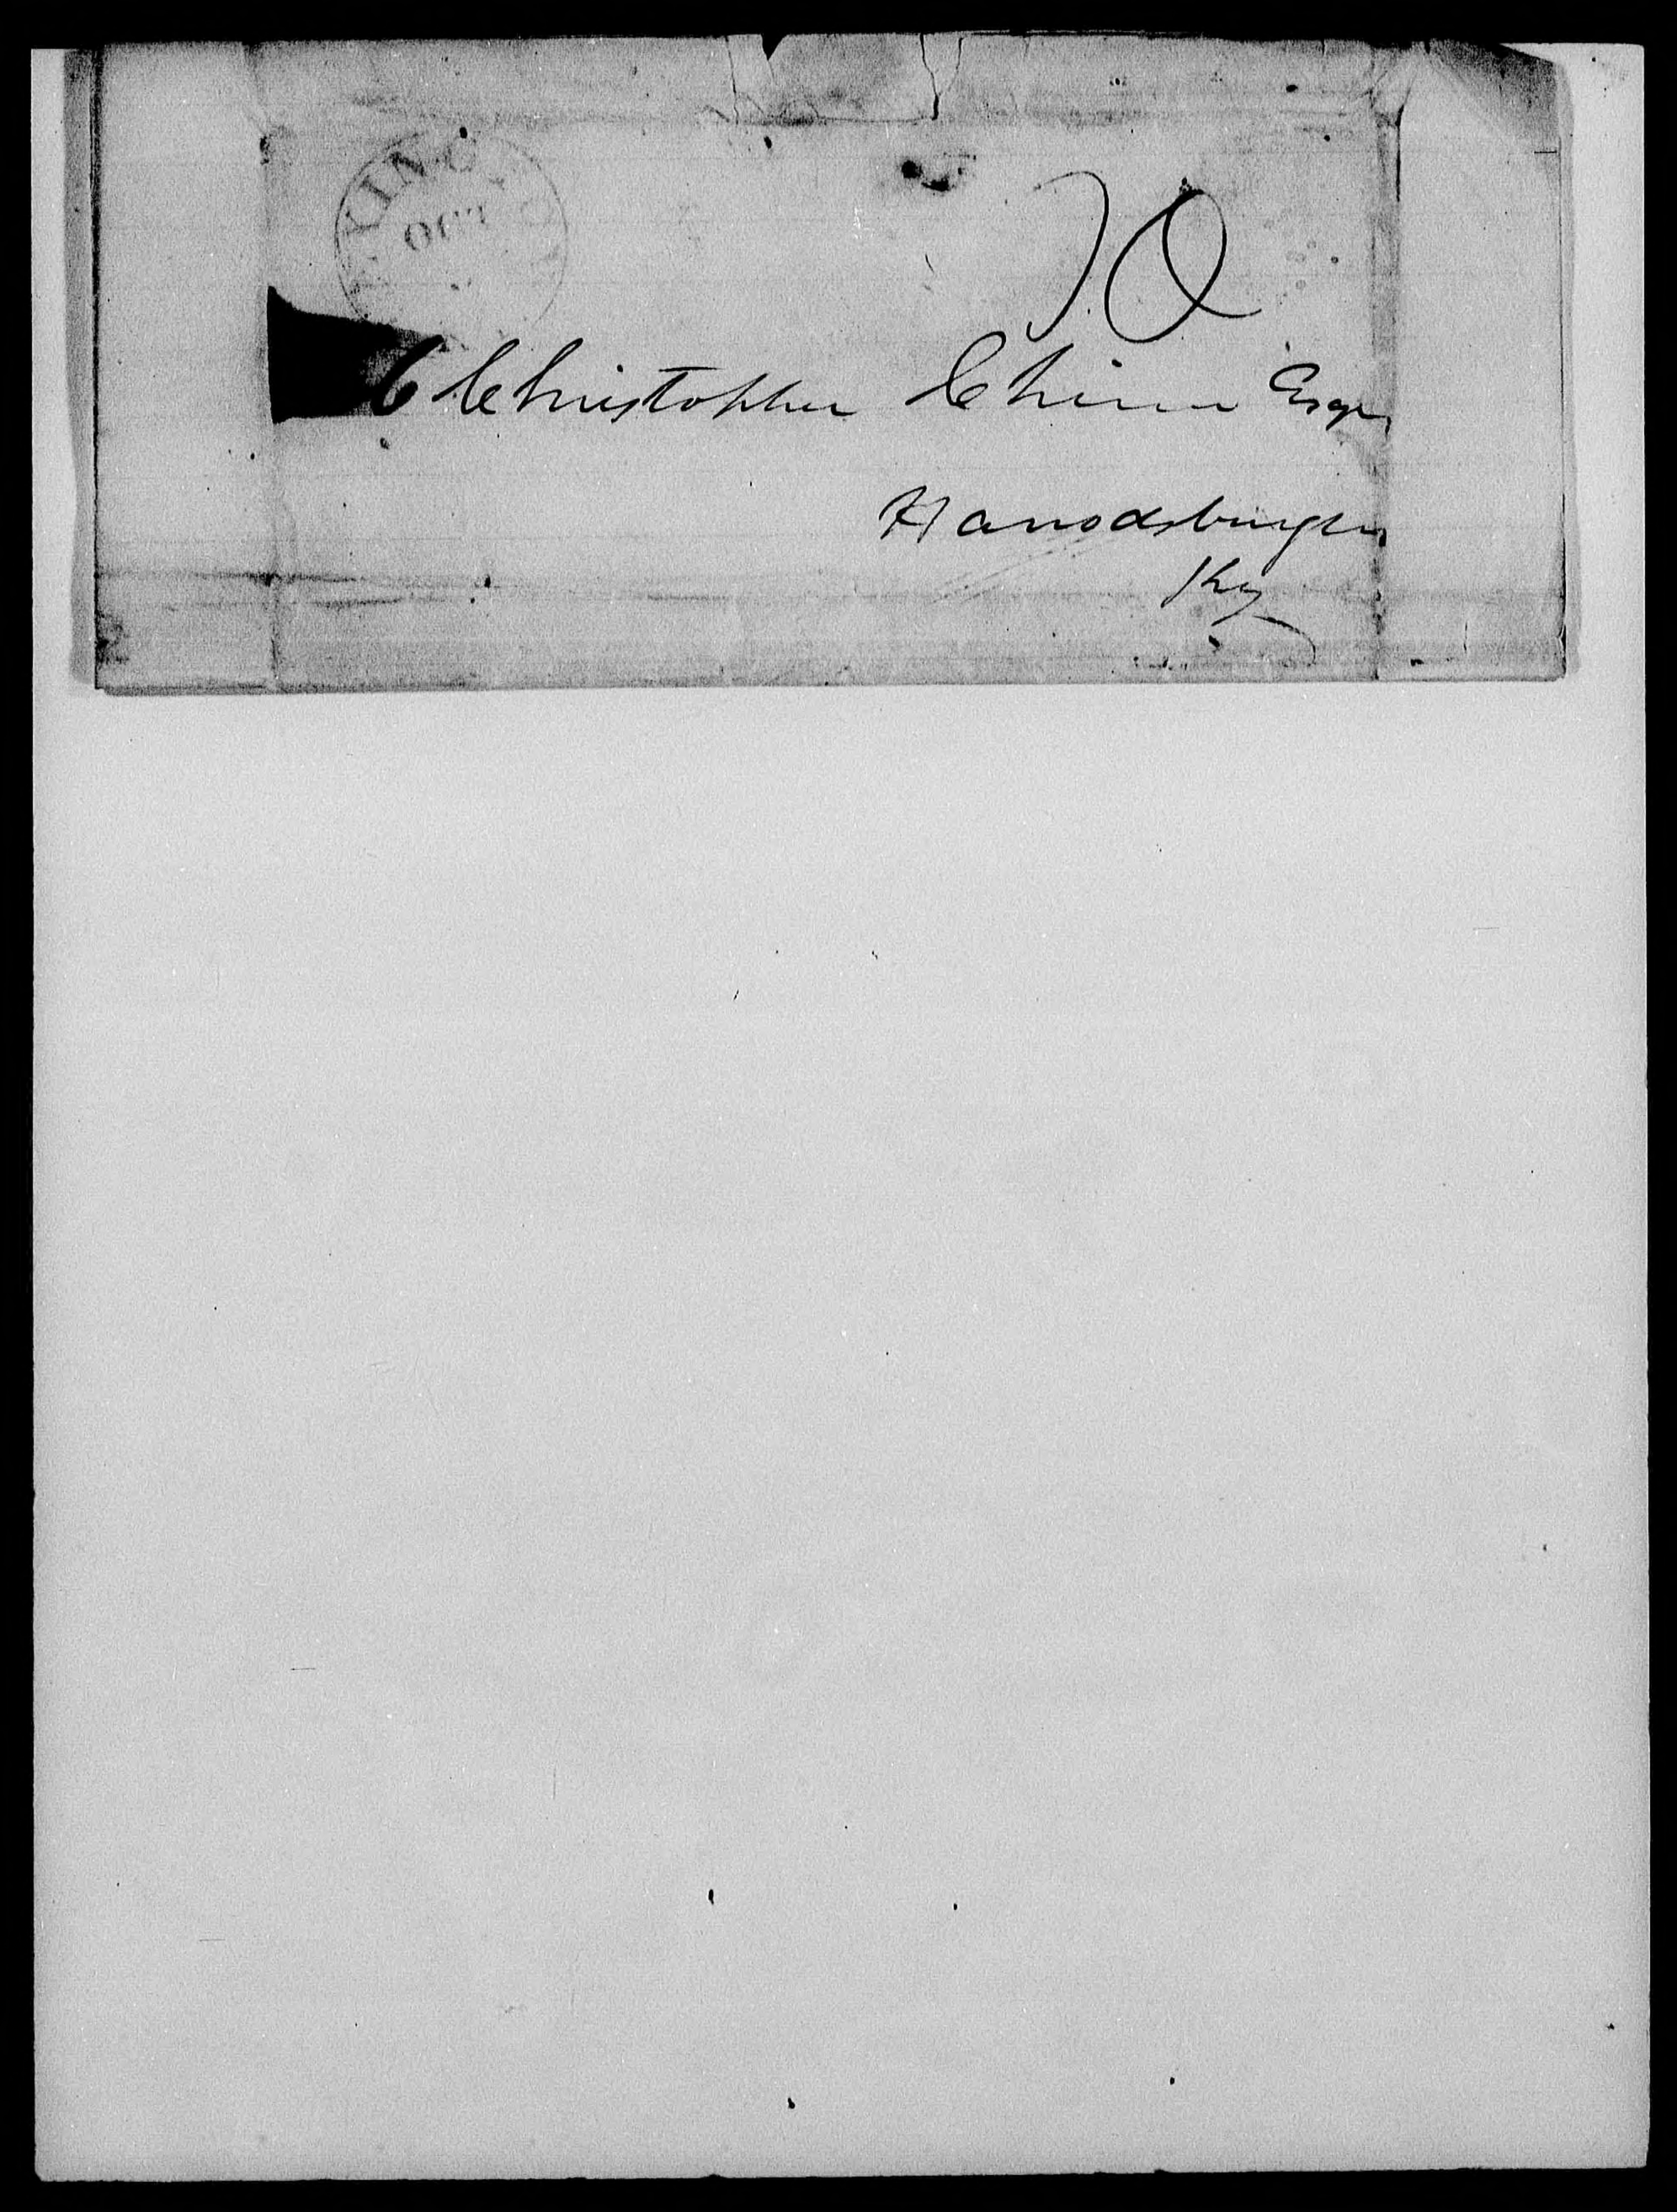[illegible]YING OCT
70[?]
Christopher Chinn Esqr
Harrodsburgh
Ky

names: Christopher Chinn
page: 18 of 79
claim: rejected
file: R. 3863, Robert Gaines, Va.